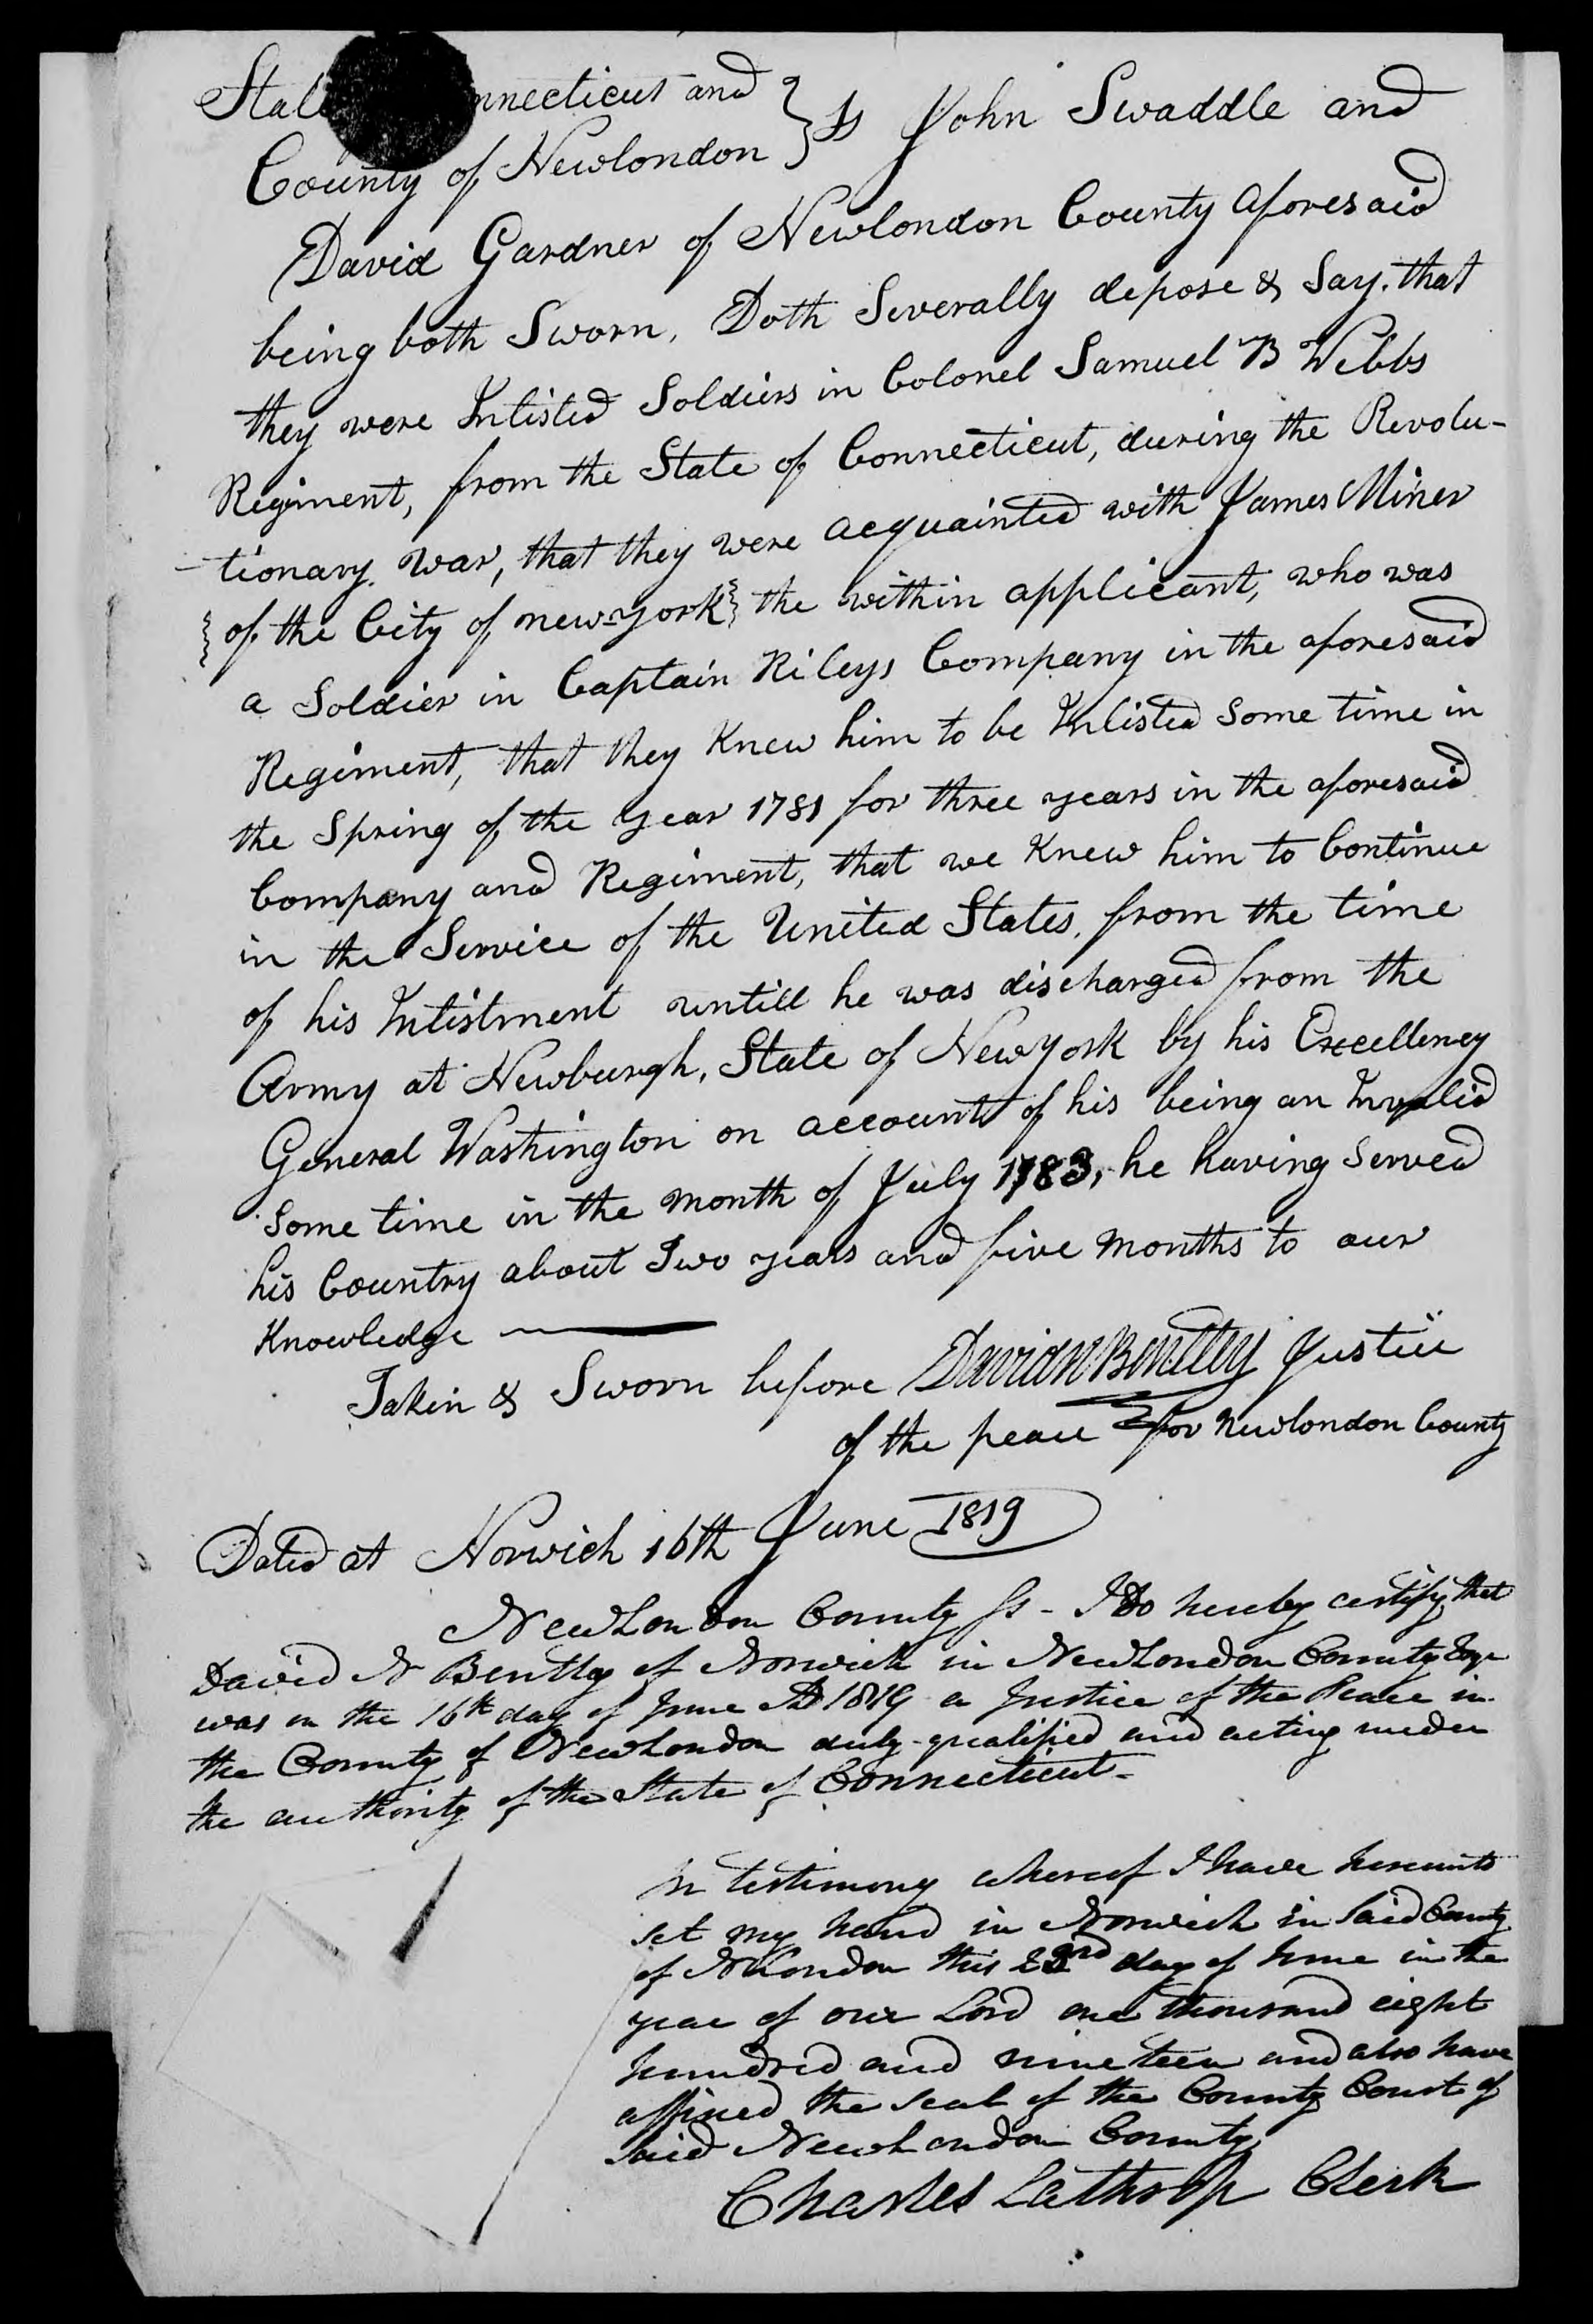State of Connecticut and }
County of Newlondon } ss  John Swaddle and
David Gardner of Newlondon County aforesaid
being both Sworn, Doth Severally depose & Say, that they were Inlisted Soldiers in Colonel Samuel B Webbs Regiment, from the State of Connecticut, during the Revolutionary War, that they were acquainted with James Miner of the City of New York, the within applicant, who was a
Soldier in Captain Rileys Company in the aforesaid Regiment, that they knew him to be Inlisted some time in the Spring of the year 1781 for three years in the aforesaid Company and Regiment, that we knew him to continue in the service of the United States, from the time
of his Inlistment untill he was discharged from the Army at Newburgh, State of New York by his Excellency General Washington on account of his being an Invalid Some time in the month of July 1783, he having Served his Country about Two years and five months to our Knowledge ---
Taken & Sworn before David N Bentley Justice
of the peace for Newlondon County
Dated at Norwich 16th June 1819
NewLondon County
Norwich 16th June
New London County ss - I do hereby certify that
David N Bentley of Norwich in New London County Esq was on the 16th day of June AD 1819 a Justice of the Peace in the County of New London duly qualified and acting under the
authority of the State of Connecticut.

In testimony whereof I have hereunto
set my hand in Norwich in said County
of N London this 23rd day of June in the
year of our Lord one thousand eight
hundred and nineteen and also have
affixed the seal of the County Court of
said New London County,
Charles Lathrop Clerk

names: Charles Lathrop; David W Bentley; [BLANK] Washington; David Gardner; James Miner; John Swaddle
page: 35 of 39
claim: survivor's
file: S. 23802, for James Miner, Connecticut